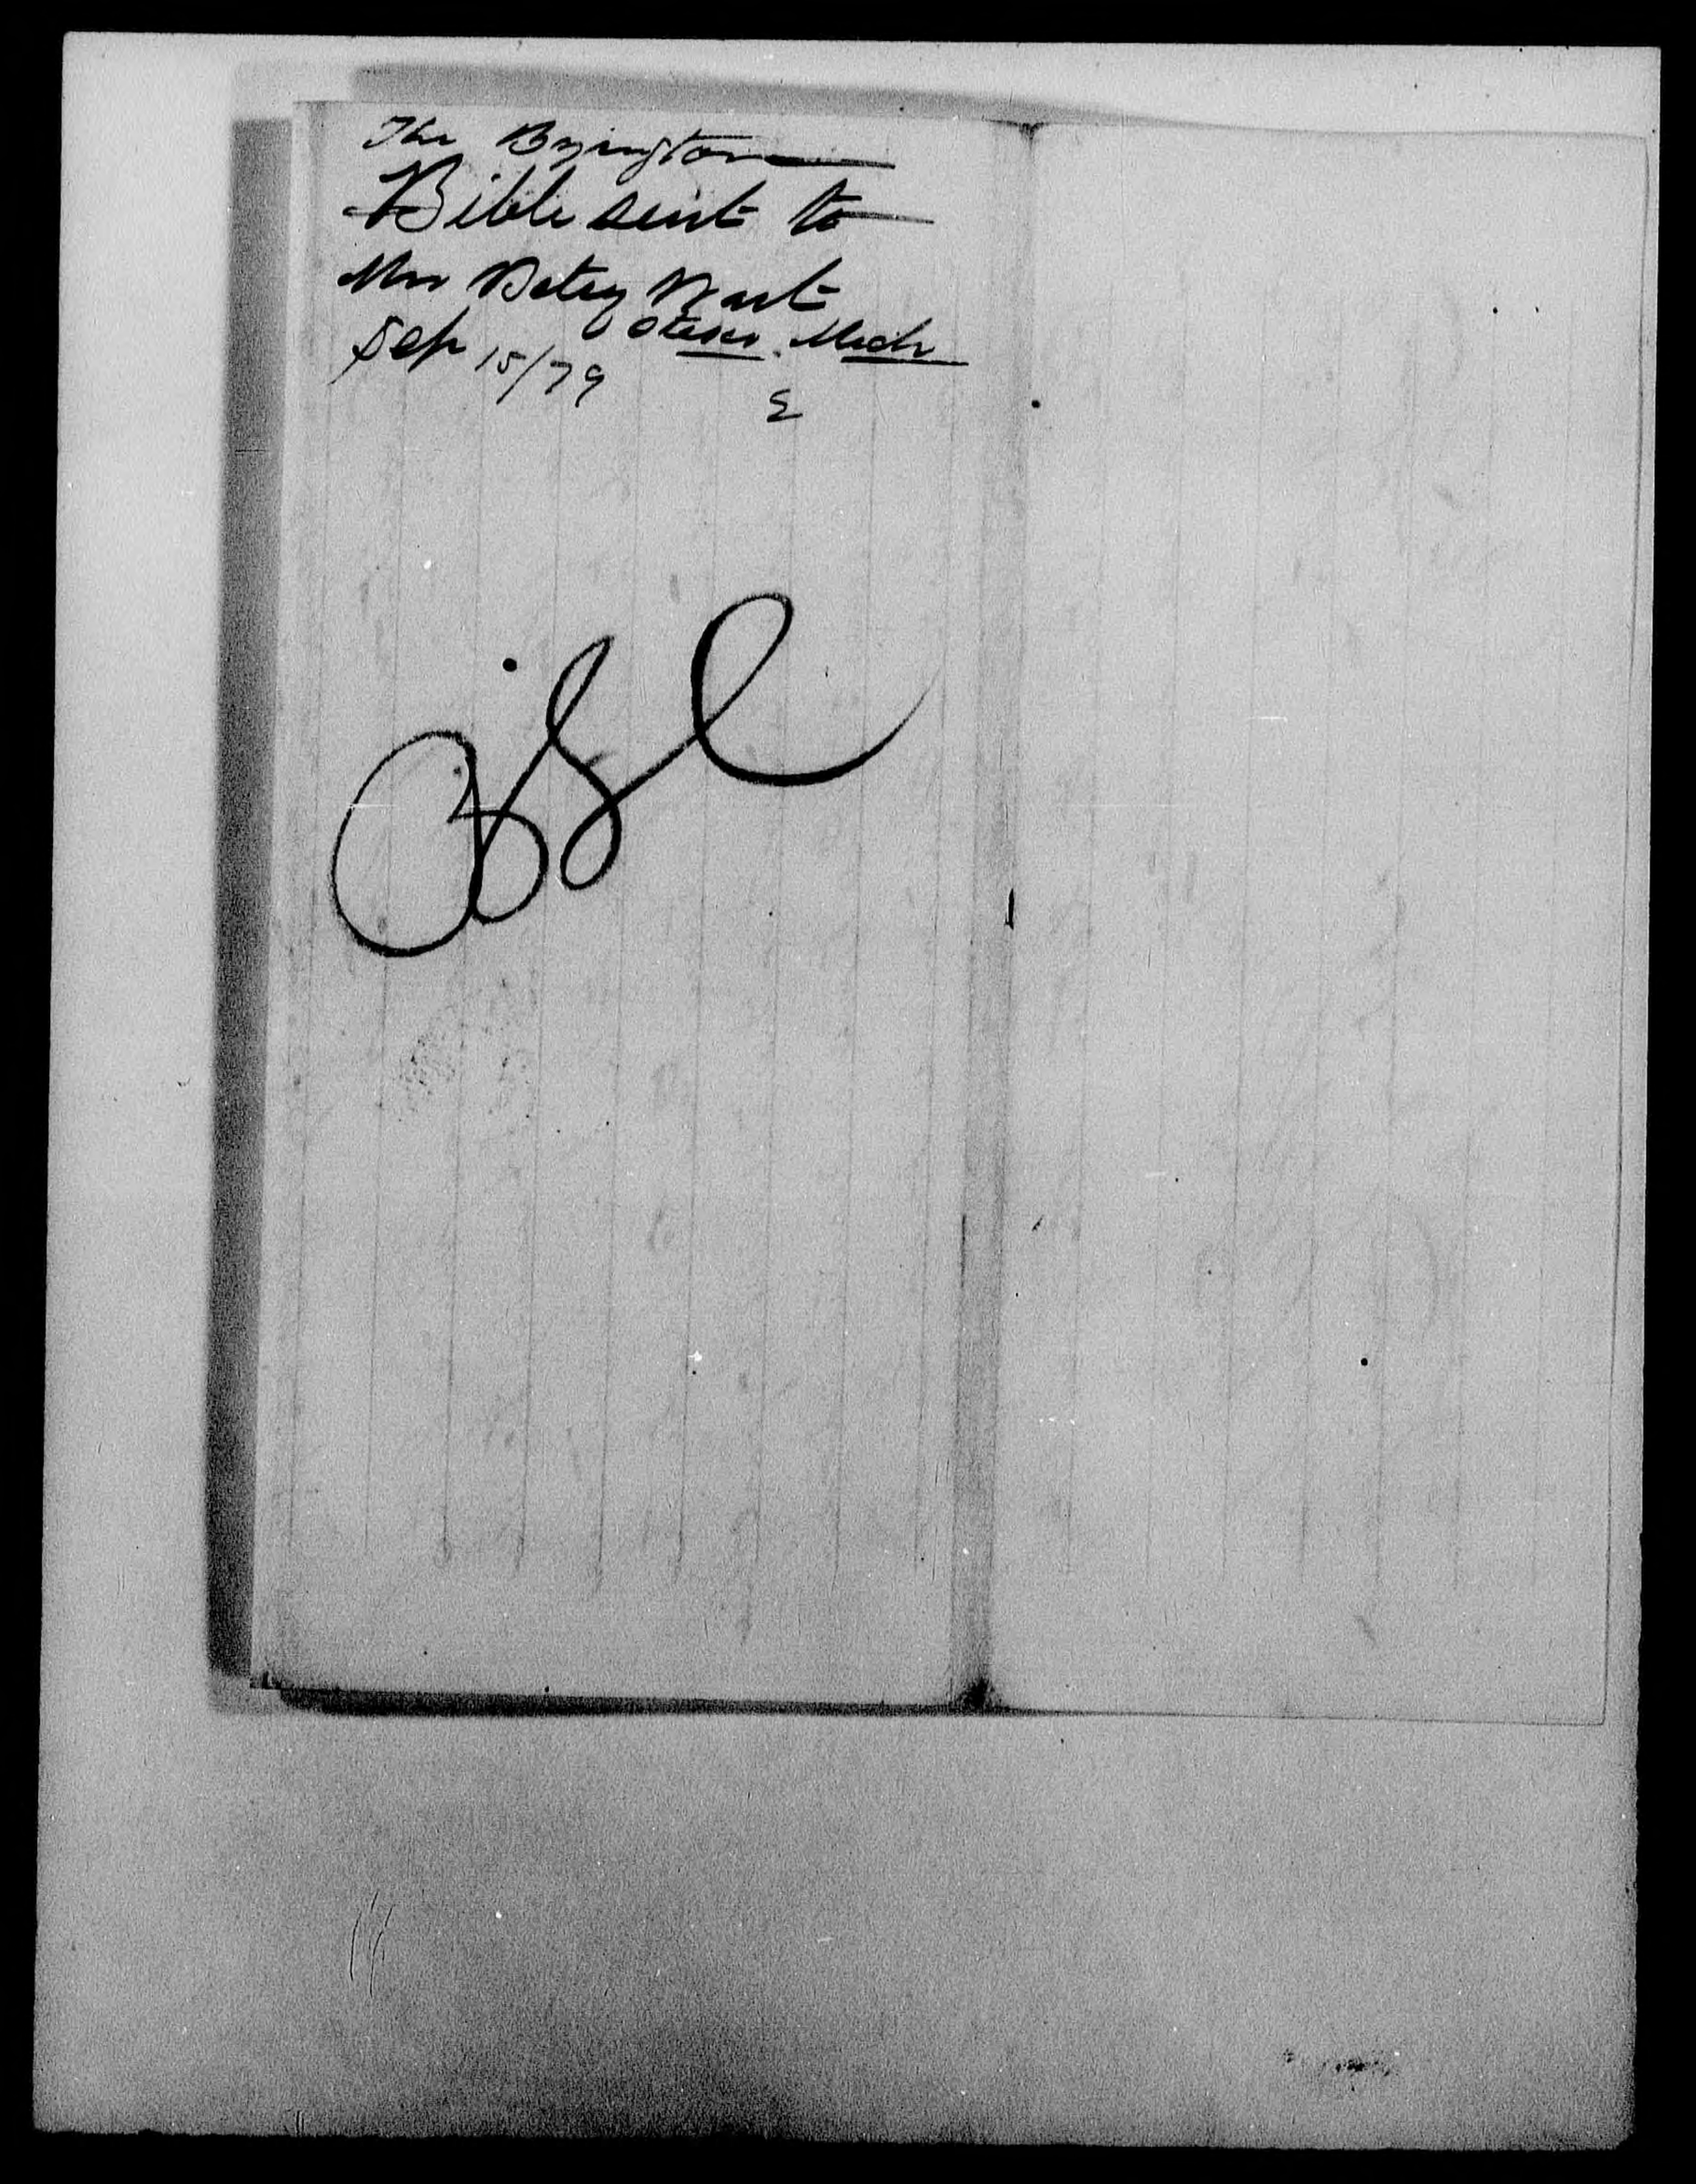The Byington Bible sent to Mrs. Betsy Wait
Otsego, Mich
Sep 15/79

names: Byington, Betsy Wait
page: 31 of 79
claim: widow's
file: W. 23754, Justus Byington, Conn.